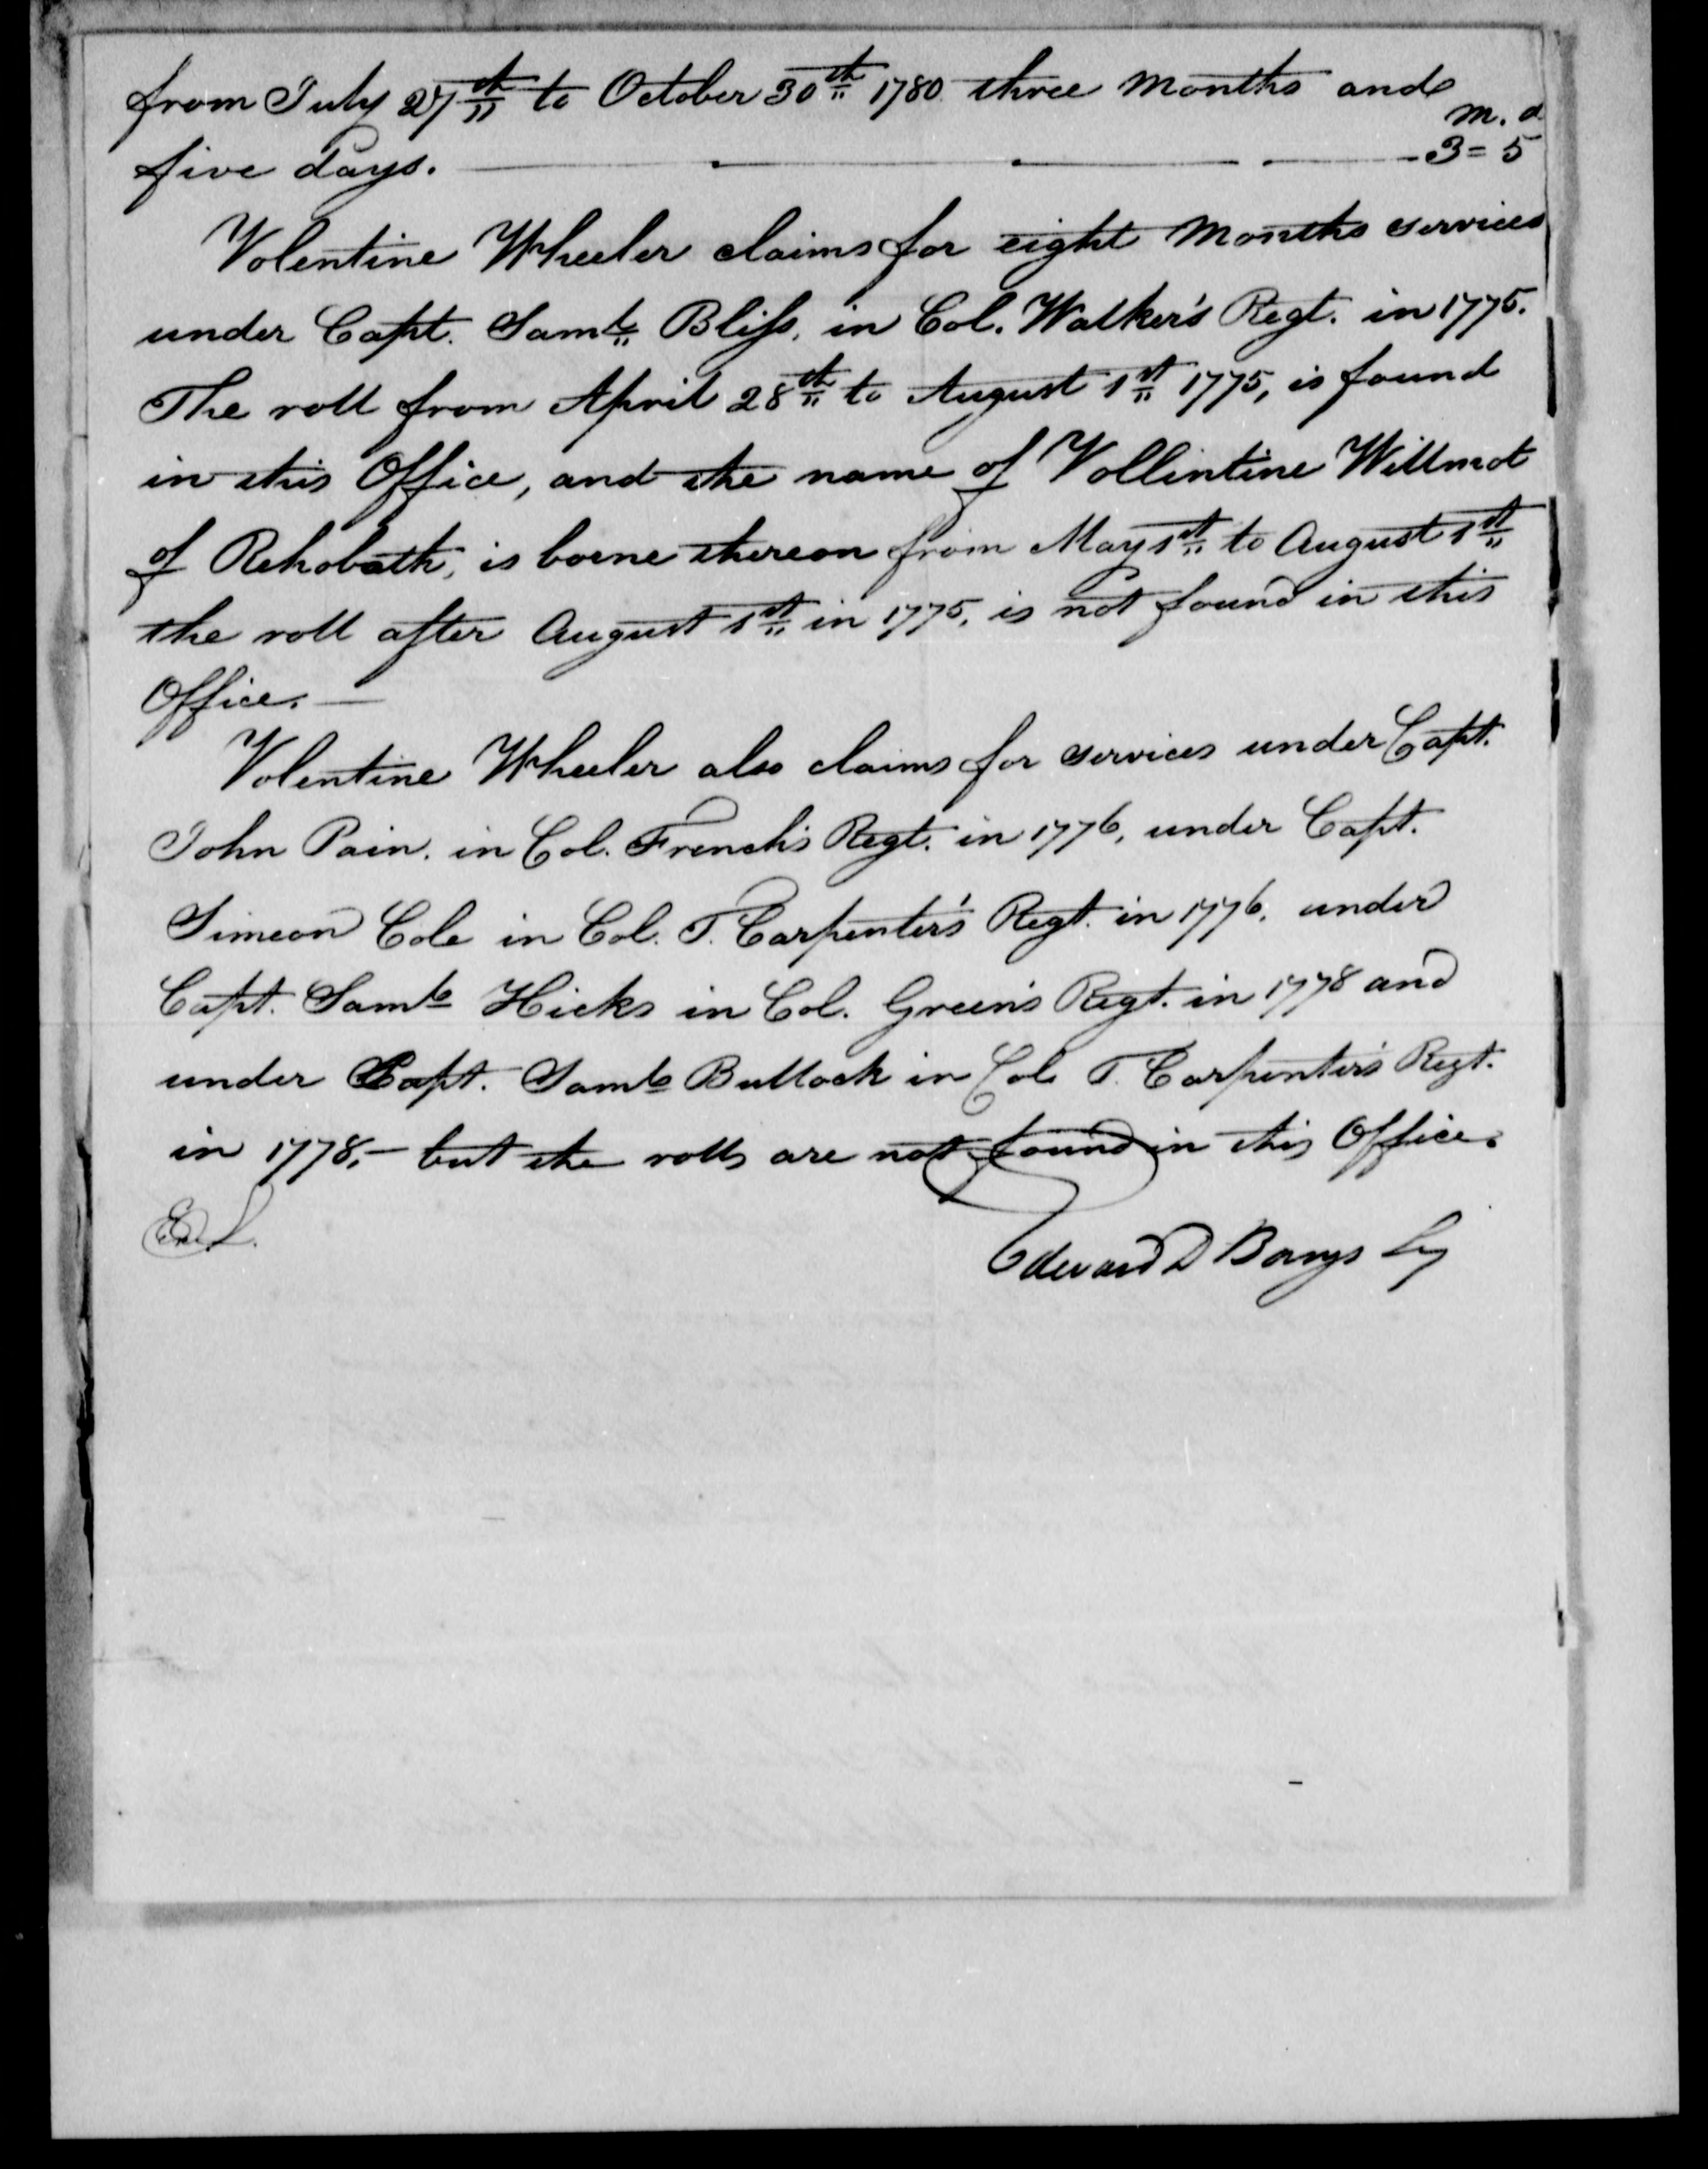from July 17th to October 30th 1780 three months and five days.
Volentine Wheeler claims for eight months services under Capt. Saml. Bliss in Col. Walker's Regt. in 1775. the roll from April 28th to August 1str 1776 is found in this office and the name of Vollentine Willmot of Rehoboth is borne thereon from May 1st to August 1st the roll after August 1st in 1775 is not found in this office.
Volentine Wheeler also claims for services under Capt. John Pain in Col. French's Regt. in 1776, under Capt. Simeon Cole in Col. T. Carpenter's Regt in 1776, under Capt. Saml. Hicks in Col. Green's Regt. in 1778 and under Capt. Saml. Bullock in Col. T. Carpenter's Regt. in 1778--but the rolls are not found in this office.
Edward D. Bangs Secy.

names: Saml Hicks, Edward D Bangs, Saml Bullock, Simeon Cole, Saml Bliss, Volentine Wheeler, John Pain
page: 78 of 98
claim: widow's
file: W. 1682, Valentine Wheeler, Mass.